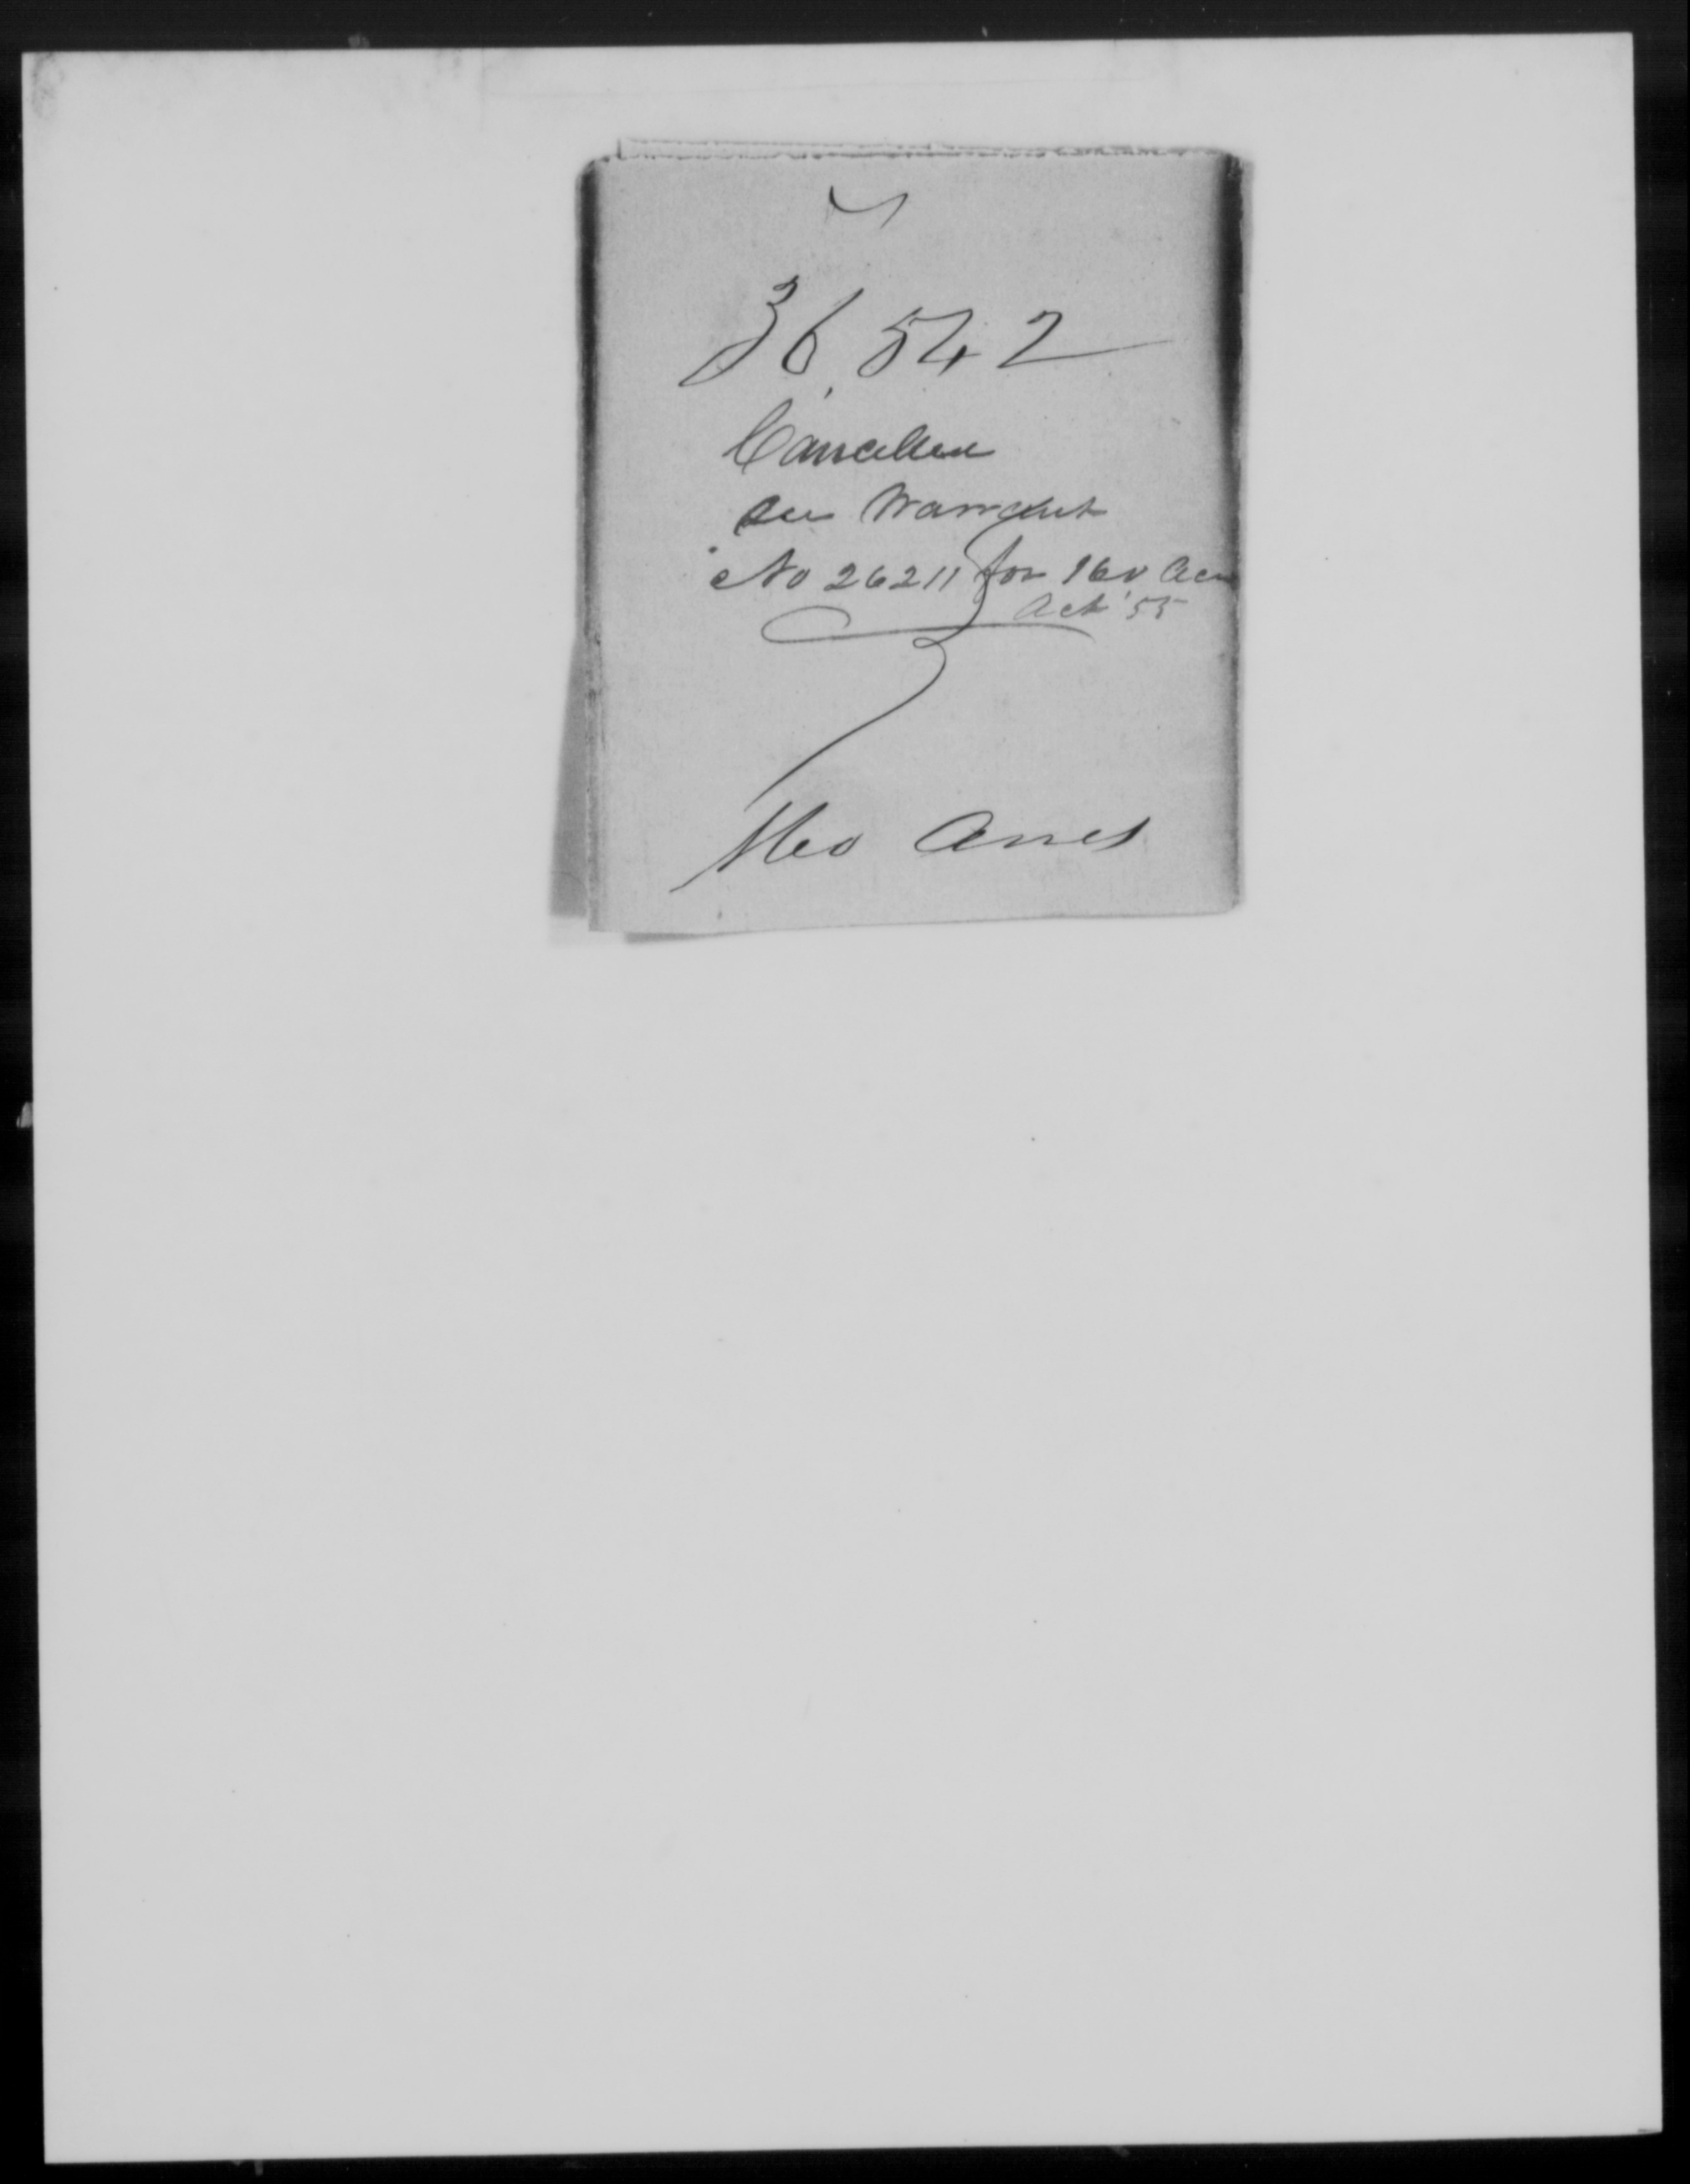36542
Cancelled. See Warrant No. 26211 for 160 acres.
Act '55.

160 acres.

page: 29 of 67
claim: widow's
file: W. 2393, Jacob Williamson, New Jersey